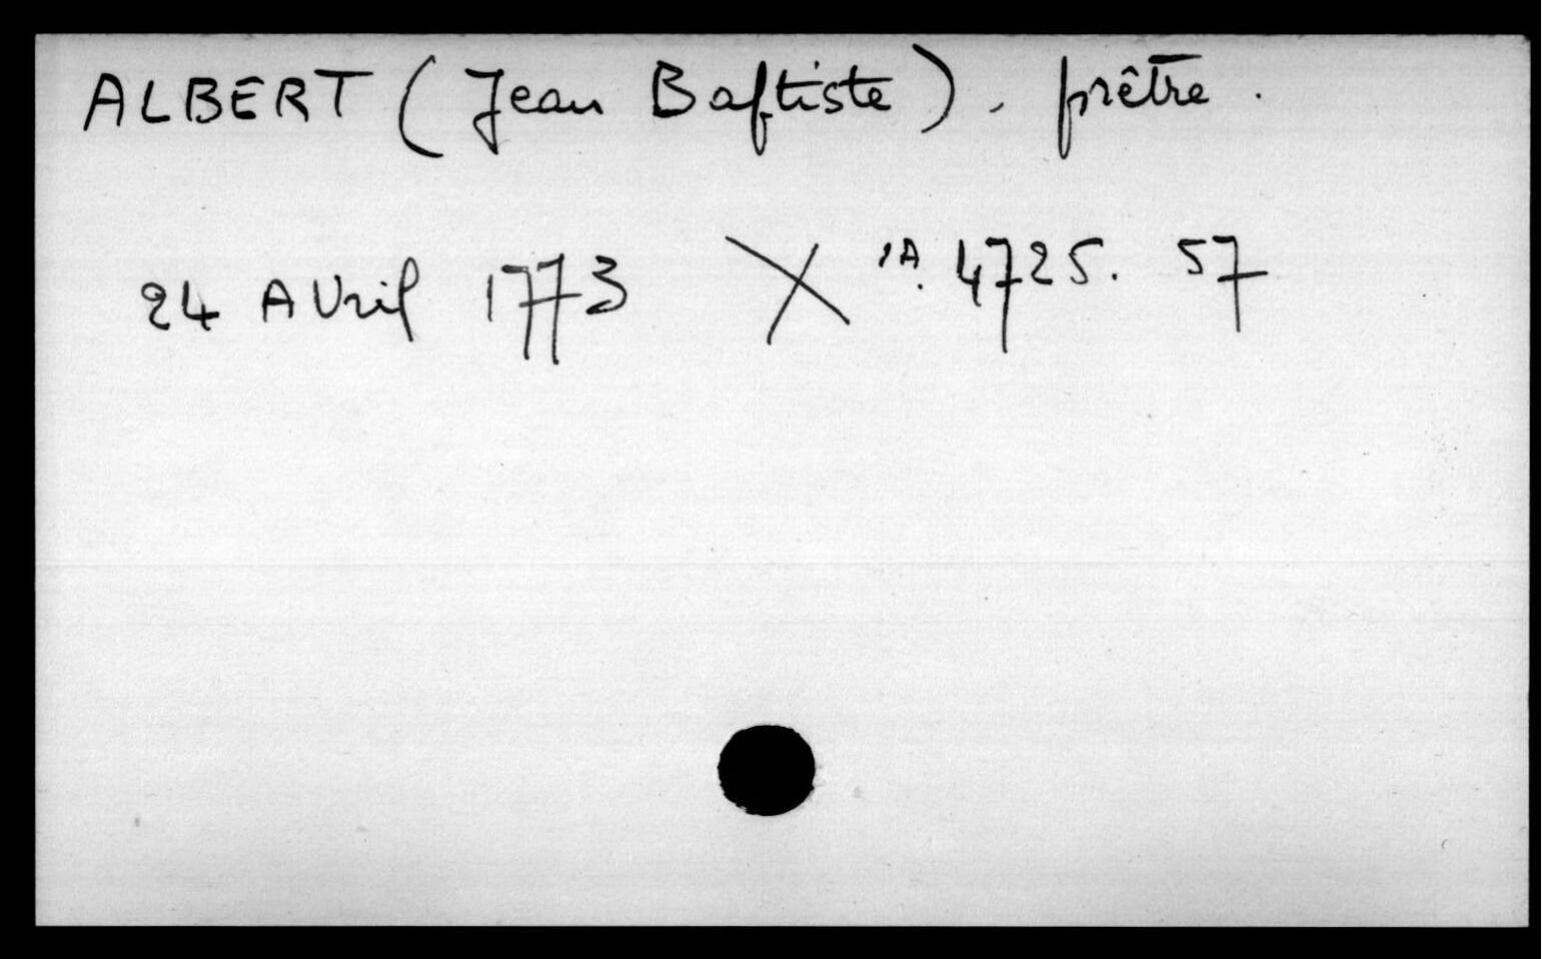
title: ALBERT (Jean Baptiste), prêtre
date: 24 avril 1773
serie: X1A
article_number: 4725
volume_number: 57
